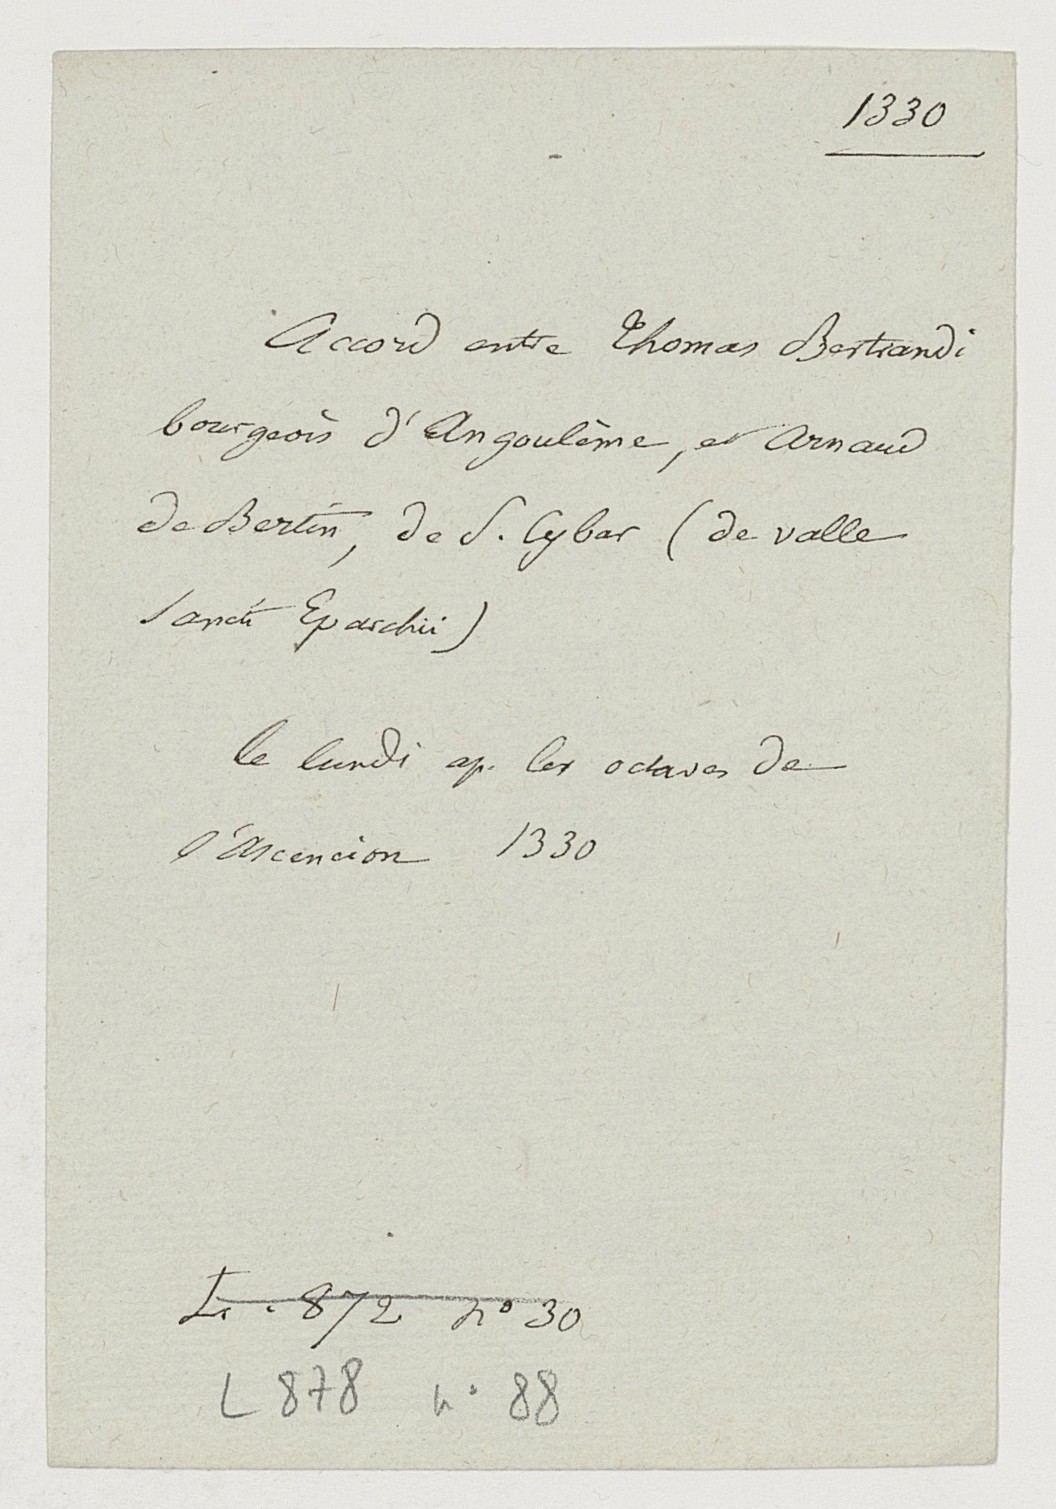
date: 1330
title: Accord entre Thomas Bertrandi bourgeois d'Angoulême, et Arnaud de Bertin, de Saint-Cybar (de valle Sancti Eparchii)
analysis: le lundi après les octaves de l'Ascension 1330
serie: L
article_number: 878
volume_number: n° 88
